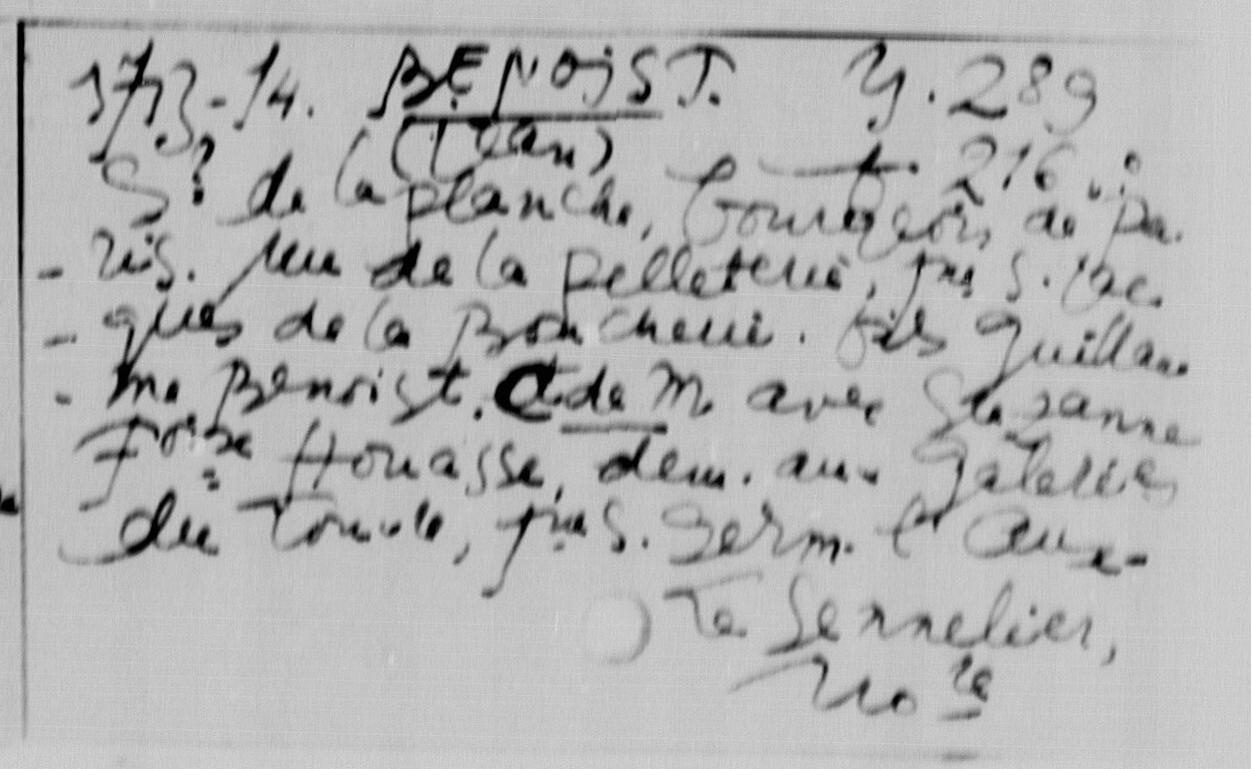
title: BENOIST (Jean)
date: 1713-1714
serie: Y
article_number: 289
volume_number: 216v
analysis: Seigneur de la Planche, bourgeois de Paris, rue de la Pelleterie, paroisse Saint-Jacques de la Boucherie-fils Guillaume Benoist. Contrat de mariage avec Suzanne Françoise Houasse, demeurant aux Galeries du Louvre, paroisse Saint-Germain-l'Auxerrois. Le Sennelier, notaire
